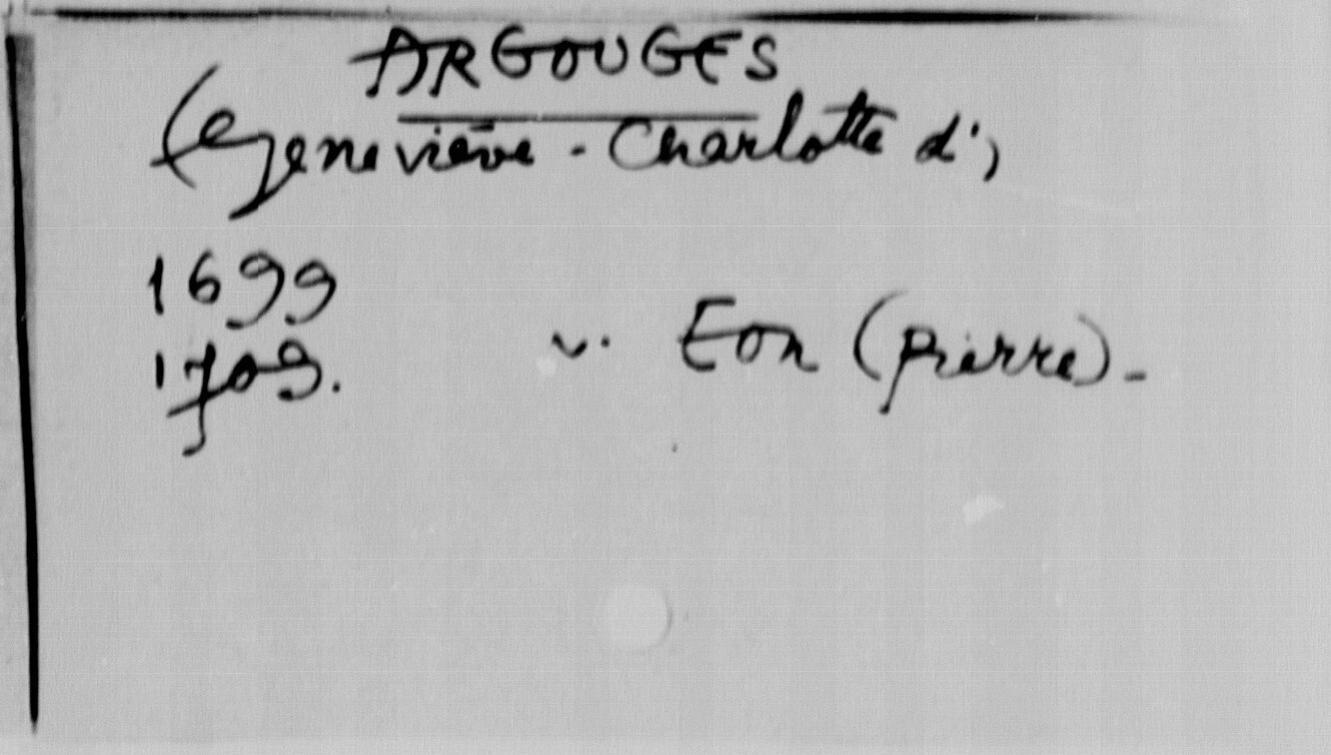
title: ARGOUGES (Geneviève Charlotte d')
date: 1699-1709
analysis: Voir Eon (Pierre)
